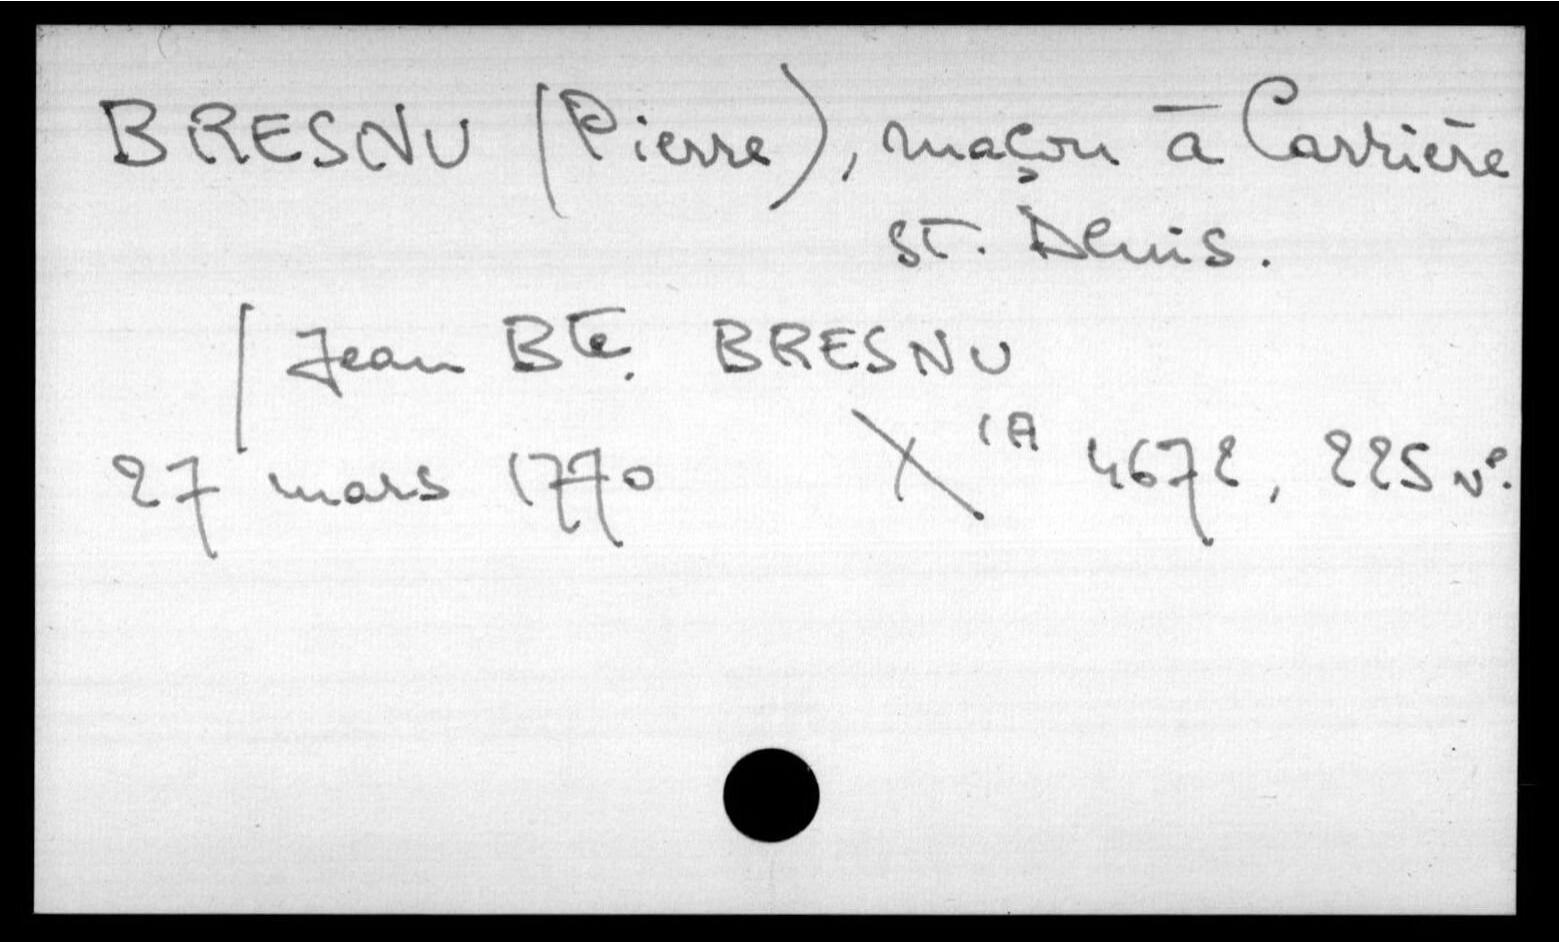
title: BRESNU (Pierre), maçon à Carrière Saint-Denis
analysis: Contre Jean Baptiste BRESNU
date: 27 mars 1770
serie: X1A
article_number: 4672
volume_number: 225v
